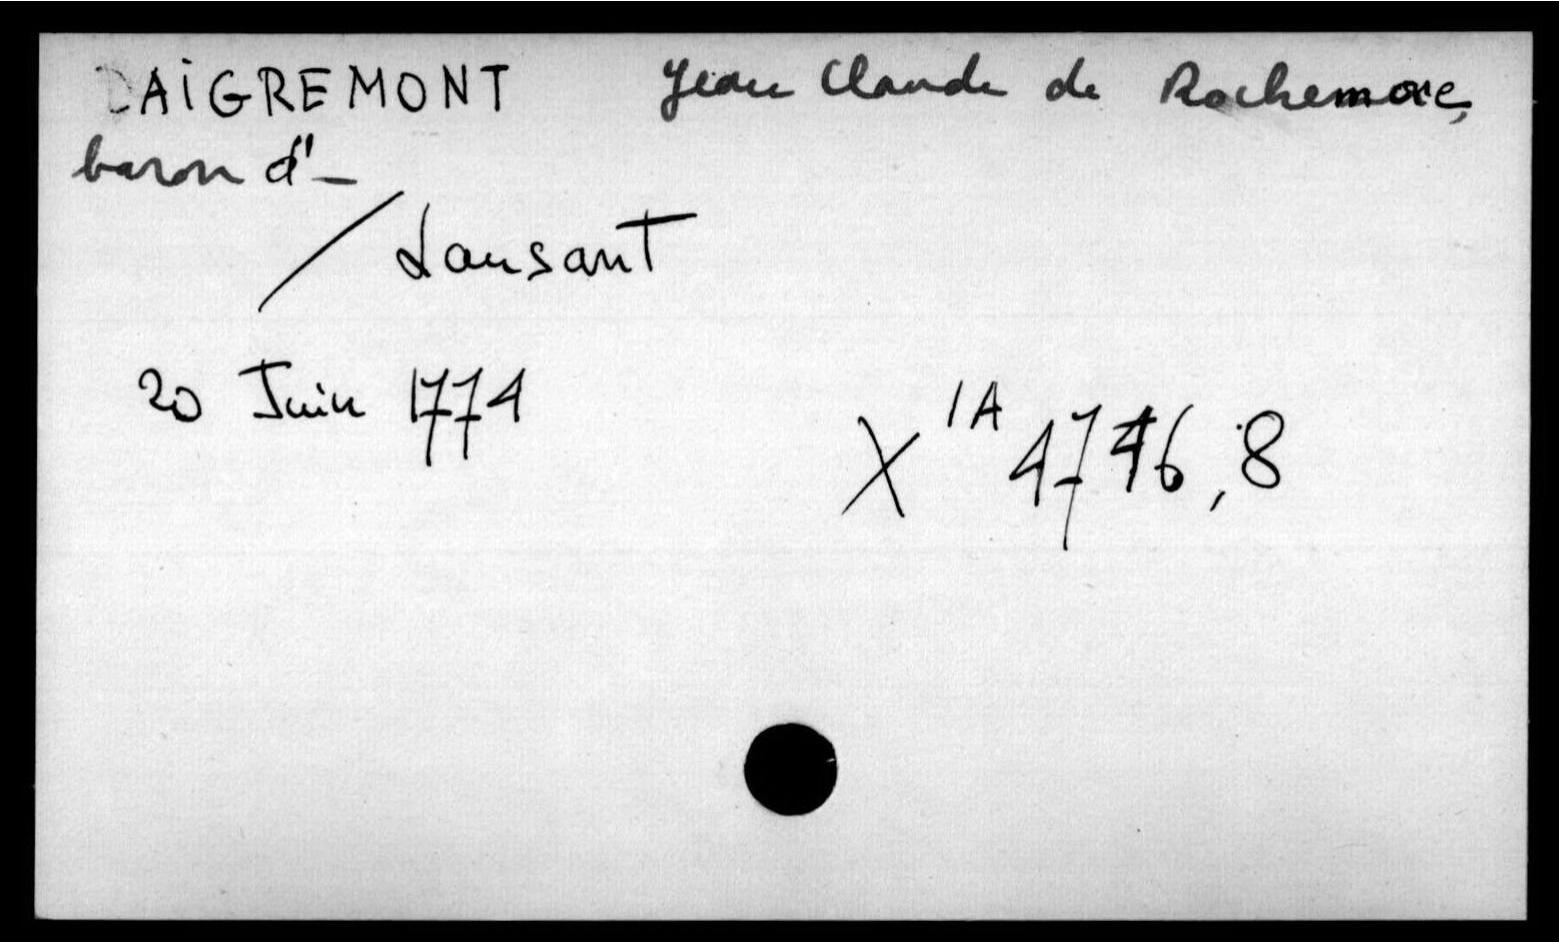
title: AIGREMONT jean Claude de Rochemare, baron d'-
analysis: Contre Lausant
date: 20 juin 1774
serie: X1A
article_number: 4746
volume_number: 8
